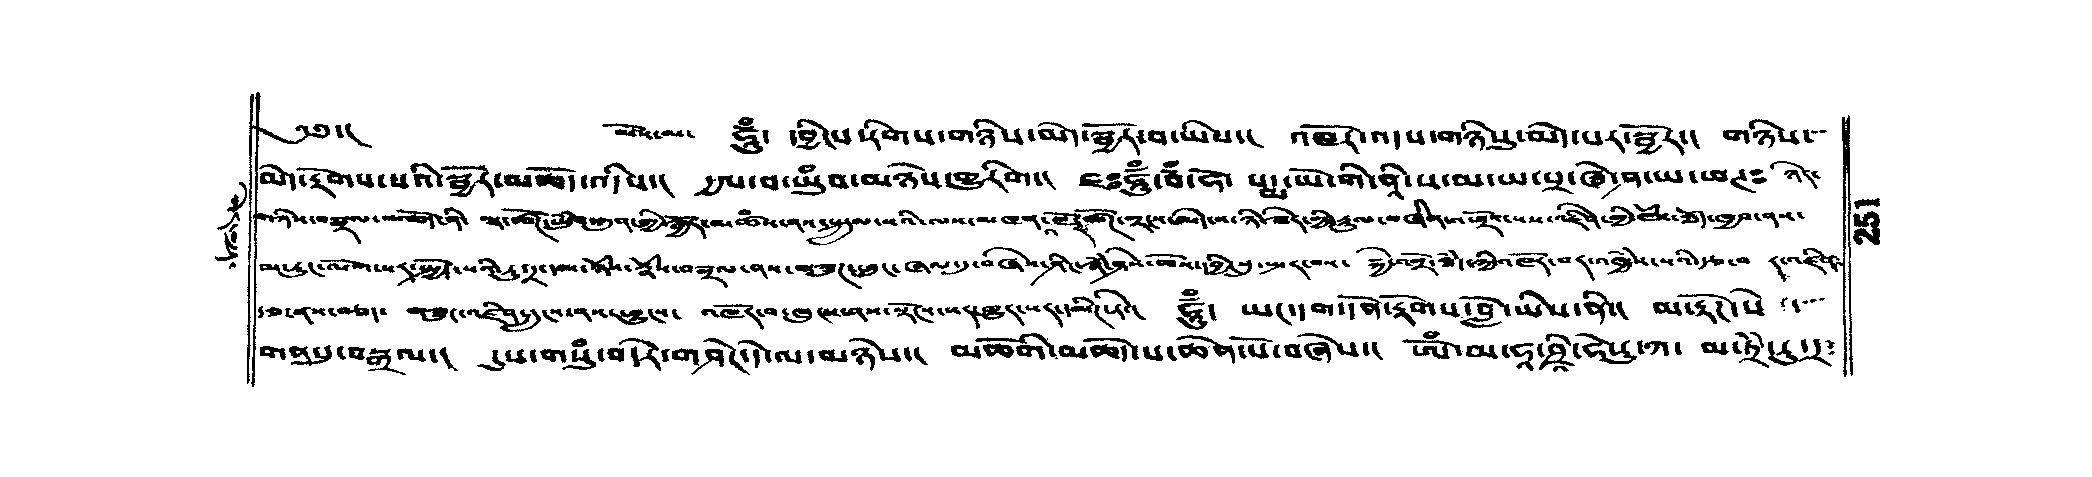མོས་ལ། ཧཱུྃ། དབྱིངས་རིག་གཉིས་སྦྱོར་བ་ཡིས། །འཁོར་འདས་གཉིས་སུ་མེད་པར་སྦྱོར། །གཉིས་
མེད་རྟོགས་པའི་སྦྱོར་མཆོད་འདིས། ། རྒྱལ་བ་ཡབ་ཡུམ་མཉེས་གྱུར་ཅིག་ཛཿཧཱུྃ་བྃ་ཧོ། པདྨ་ཡོ་གི་ནཱི་ས་མ་ཡ་པྲ་ཝེ་ཤ་ཡ་ཕཊཿ ཉེར་
གཉིས་བསྒྲལ་མཆོད་ནི། ལྷ་ཚོགས་ཡབ་ཡུམ་ཀུན་གྱི་སྦྱོར་མཚམས་ནས་སྤྲུལ་པའི་ལས་མཁན་འཁོར་ཚོགས་གྲངས་མེད་པ་ཉི་ཟེར་གྱི་རྡུལ་བཞིན་འཕྲོས་པས་འཇིག་རྟེན་གྱི་ཁམས་ཐམས་ཅད་ཁྱབ་ནས་
མ་རུང་ལོག་པར་སྤྱོད་པའི་རུ་དྲ་དམ་ཉམས་རྣམས་བསྒྲལ་ནས་གཟུགས་ཕུང་ཞལ་དུ་བཞེས་ཤིང་རྣམ་ཤེས་ཆོས་དབྱིངས་སུ་སྤར་བས་སྐྱེ་འགྲོ་ཐམས་ཅད་ཀྱི་འཁོར་བར་འཁྱམས་པའི་རྩ་བ་ངར་འཛིན་
རྩད་ནས་བཅད། གཟུང་འཛིན་དྲུང་ནས་ཕྱུངས། འཁོར་བ་ཁུངས་ནས་སྟོངས་པར་གྱུར་པར་དམིགས་ཏེ། ཧཱུྃ། ཡང་དག་དོན་རྟོགས་བློ་ཡིས་ནི། །མ་རྟོགས་སེམས་ཅན་
གནས་སུ་བསྒྲལ། །དུས་གསུམ་བདེར་གཤེགས་དེ་ལ་མཉེས། །མཆོག་གི་མཆོད་པ་ཆེན་པོ་བཞེས། ། ཨོཾ་མ་ཧཱ་ཤྲཱི་ཧེ་རུ་ཀ། མ་ཏྲཾ་རུ་དྲ་